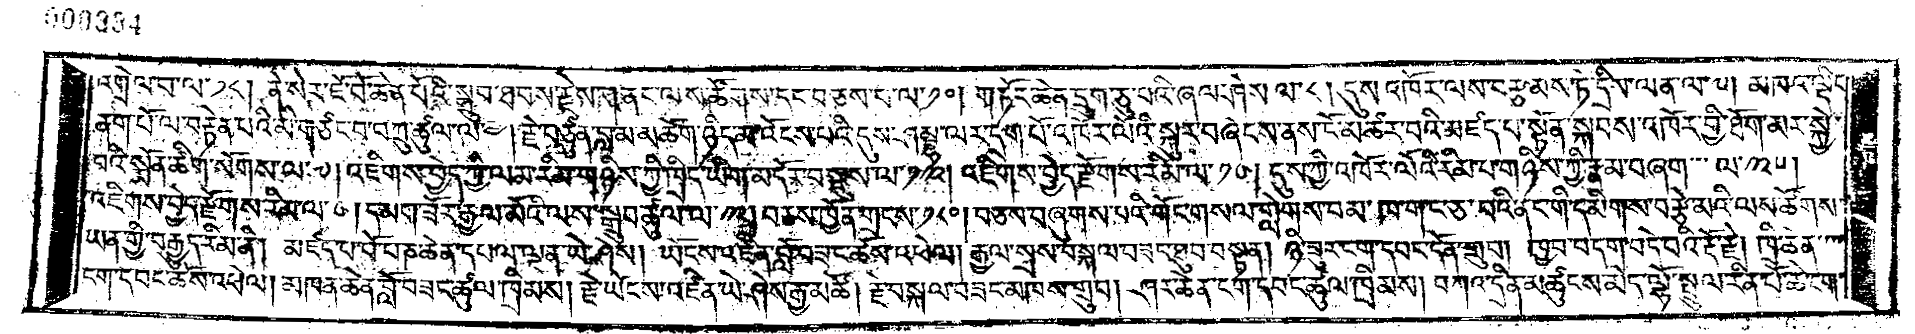འགྲེལ་བ་ལ ༡༨། ནེ་སེར་ཇོ་བོ་ཆེན་པོའི་སྒྲུབ་ཐབས་རྗེས་གནང་ལས་ཚོགས་དང་བཅས་པ་ལ ༡༠། གཏོར་ཆེན་དྲུག་ཅུ་བའི་ཞལ་ཤེས་ལ ༨། དུས་འཁོར་ལས་བརྩམས་ཏེ་དྲིས་ལན་ལ ༧། མཁའ་ལྡིང་
ནག་པོ་ལ་བརྟེན་པའི་མི་གཙང་བ་བཀྲུ་ཚུལ་ལ ༤། རྗེ་བཙུན་བླ་མ་མཆོག་ཉིད་མ་འོངས་བའི་དུས་ཤམྦྷ་ལར་དྲག་པོ་འཁོར་ལོའི་སྐུར་བཞེངས་ནས་ངོ་མཚར་བའི་མཛད་པ་སྟོན་སྐབས་འཁོར་གྱི་ཐོག་མར་སྐྱེ་
བའི་སྨོན་ཚིག་སོགས་ལ ༧། འཇིགས་བྱེད་ཀྱི་ལམ་རིམ་གཉིས་ཀྱི་ཁྲིད་ཡིག་མདོར་བསྡུས་ལ ༡༣། འཇིགས་བྱེད་རྫོགས་རིམ་ལ ༡༦། དུས་ཀྱི་འཁོར་ལོའི་རིམ་པ་གཉིས་ཀྱི་རྣམ་བཞག་ལ ༣༥།
འཇིགས་བྱེད་རྫོགས་རིམ་ལ ༦། དམག་ཟོར་རྒྱལ་མོའི་ལས་སྒྲུབ་ཚུལ་ལ ༣། བཅས་ཁྱོན་གྲངས ༡༨༠། བཅས་བཞུགས་པའི་གོང་གསལ་གླེགས་བམ་ཁ་གང་ཅ་བའི་ནང་གི་དམིགས་བརྩེ་མའི་ལས་ཚོགས་
ཡན་གྱི་བརྒྱུད་རིམ་ནི། མཛད་པ་པོ་པཎ་ཆེན་དཔལ་ལྡན་ཡེ་ཤེས། ཡོངས་འཛིན་བློ་བཟང་ཆོས་འཕེལ། རྒྱལ་སྲས་བསྐལ་བཟང་ཐུབ་བསྟན། ཉི་ཟུར་ངག་དབང་དོན་གྲུབ། ཁྱབ་བདག་བདེ་བའི་རྡོ་རྗེ། ཁྲི་ཆེན་
ངག་དབང་ཆོས་འཕེལ། མཁན་ཆེན་བློ་བཟང་ཚུལ་ཁྲིམས། རྗེ་ཡོངས་འཛིན་ཡེ་ཤེས་རྒྱ་མཚོ། རྗེ་བསྐལ་བཟང་མཁས་གྲུབ། ཤར་ཆེན་ངག་དབང་ཚུལ་ཁྲིམས། བཀའ་དྲིན་མཚུངས་མེད་ལྷོ་སྤྲུལ་རིན་པོ་ཆེ་ངག་